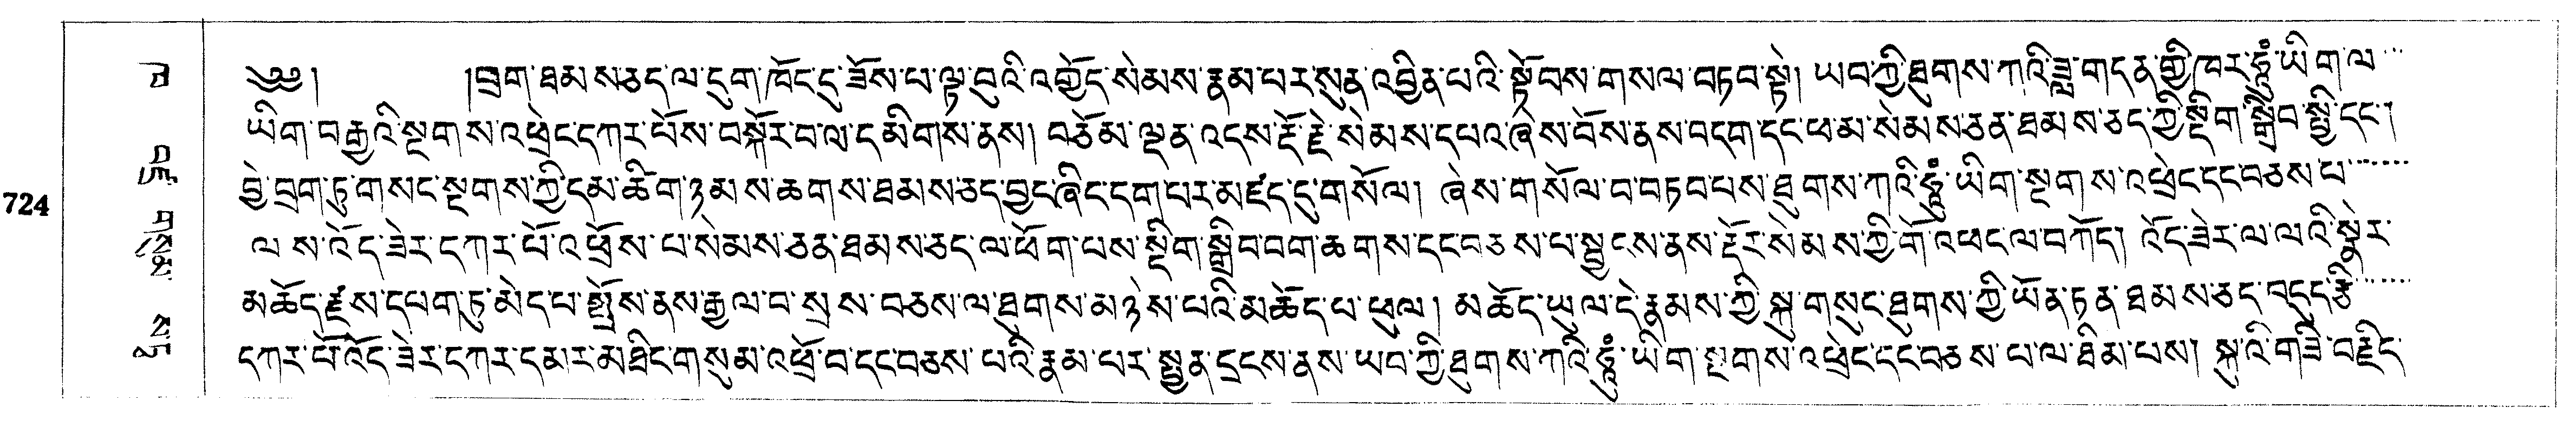༄༅། །བྲག་ཐམས་ཅད་ལ་དུག་ཁོང་དུ་ཟོས་པ་ལྟ་བུའི་འགྱོད་སེམས་རྣམ་པར་སུན་འབྱིན་པའི་སྟོབས་གསལ་བཏབ་སྟེ། ཡབ་ཀྱི་ཐུགས་ཀའི་ཟླ་གདན་གྱི་ཁར་ཧཱུཾ་ཡིག་ལ་
ཡིག་བརྒྱའི་སྔགས་འཕྲེང་དཀར་པོས་བསྐོར་བ་ལ་དམིགས་ནས། བཅོམ་ལྡན་འདས་རྡོ་རྗེ་སེམས་དཔའ་ཞེས་བོས་ནས་བདག་དང་ཕ་མ་སེམས་ཅན་ཐམས་ཅད་ཀྱི་སྡིག་སྒྲིབ་སྤྱི་དང་།
བྱེ་བྲག་ཏུ་གསང་སྔགས་ཀྱི་དམ་ཚིག་ཉམས་ཆགས་ཐམས་ཅད་བྱང་ཞིང་དག་པར་མཛད་དུ་གསོལ། ཞེས་གསོལ་བ་བཏབ་པས་ཐུགས་ཀའི་ཧཱུཾ་ཡིག་སྔགས་འཕྲེང་དང་བཅས་པ་
ལས་འོད་ཟེར་དཀར་པོ་འཕྲོས་པ་སེམས་ཅན་ཐམས་ཅད་ལ་ཕོག་པས་སྡིག་སྒྲིབ་བག་ཆགས་དང་བཅས་པ་སྦྱངས་ནས་རྡོར་སེམས་ཀྱི་གོ་འཕང་ལ་བཀོད། འོད་ཟེར་ལ་ལའི་སྣེར་
མཆོད་རྫས་དཔག་ཏུ་མེད་པ་སྤྲོས་ནས་རྒྱལ་བ་སྲས་བཅས་ལ་ཐུགས་མཉེས་པའི་མཆོད་པ་ཕུལ། མཆོད་ཡུལ་དེ་རྣམས་ཀྱི་སྐུ་གསུང་ཐུགས་ཀྱི་ཡོན་ཏན་ཐམས་ཅད་བདུད་རྩི་
དཀར་པོ་འོད་ཟེར་དཀར་དམར་མཐིང་གསུམ་འཕྲོ་བ་དང་བཅས་པའི་རྣམ་པར་སྤྱན་དྲངས་ནས་ཡབ་ཀྱི་ཐུགས་ཀའི་ཧཱུཾ་ཡིག་སྔགས་འཕྲེང་དང་བཅས་པ་ལ་ཐིམ་པས། སྐུའི་གཟི་བརྗིད་